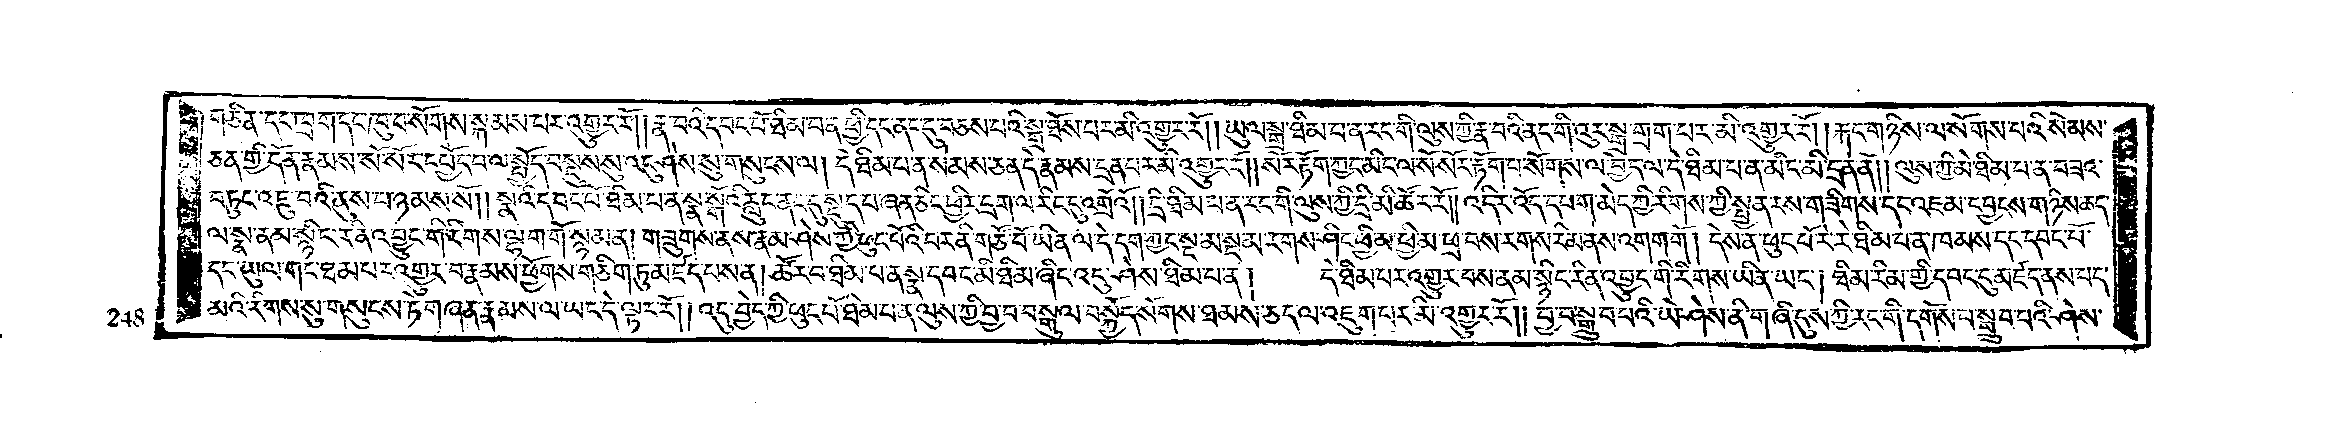གཅིན་དང་ཁྲག་དང་ཁུ་བ་སོགས་སྐམས་པར་འགྱུར་རོ། །རྣ་བའི་དབང་པོ་ཐིམ་པ་ན་ཕྱི་དང་ནང་དུ་བཅས་པའི་སྒྲ་ཐོས་པར་མི་འགྱུར་རོ། །ཡུལ་སྒྲ་ཐིམ་པ་ན་རང་གི་ལུས་ཀྱི་རྣ་བའི་ནང་གི་འུར་སྒྲ་གྲག་པར་མི་འགྱུར་རོ། །རྐང་གཉིས་ལ་སོགས་པའི་སེམས་
ཅན་གྱི་དོན་རྣམས་སོ་སོར་དཔྱོད་པ་ལ་སྤྱོད་བསྡུས་སུ་འདུ་ཤེས་སུ་གསུངས་ལ། དེ་ཐིམ་པ་ན་སེམས་ཅན་དེ་རྣམས་དྲན་པར་མི་འགྱུར་རོ། །སོར་རྟོག་ཀྱང་མིང་ལ་སོ་སོར་རྟོག་པ་སོགས་ལ་བྱེད་ལ་དེ་ཐིམ་པ་ན་མིང་མི་དྲན་ནོ། །ལུས་ཀྱི་མེ་ཐིམ་པ་ན་བཟའ་
བཏུང་འཇུ་བའི་ནུས་པ་ཉམས་སོ། །སྣའི་དབང་པོ་ཐིམ་པ་ན་སྣ་སྒོའི་རླུང་ནང་དུ་སྡུད་པ་ཞན་ཅིང་ཕྱིར་དྲག་ལ་རིང་དུ་འགྲོའོ། །དྲི་ཐིམ་པ་ན་རང་གི་ལུས་ཀྱི་དྲི་མི་ཚོར་རོ། །འདིར་འོད་དཔག་མེད་ཀྱི་རིགས་ཀྱི་སྤྱན་རས་གཟིགས་དང་འཇམ་དབྱངས་གཉིས་ཆད་
ལ་སྣ་ནམ་སྙིང་རིན་འབྱུང་གི་རིགས་ལྷག་གོ་སྙམ་ན། གཟུགས་ནས་རྣམ་ཤེས་ཀྱི་ཕུང་པོའི་བར་ནི་གཙོ་བོ་ཡིན་ལ་དེ་དག་ཀྱང་སྔ་མ་སྔ་མ་རགས་ཤིང་ཕྱི་མ་ཕྱི་མ་ཕྲ་བས་རགས་རིམ་ནས་འགག་གོ །དེས་ན་ཕུང་པོ་རེ་རེ་ཐིམ་པ་ན་ཁམས་དང་དབང་པོ་
དང་ཡུལ་གང་ཐིམ་པར་འགྱུར་བ་རྣམས་ཕྱོགས་གཅིག་ཏུ་མཛད་པས་ན། ཚོར་བ་ཐིམ་པ་ན་སྣ་དབང་མི་ཐིམ་ཞིང་འདུ་ཤེས་ཐིམ་པ་ན། དེ་ཐིམ་པར་འགྱུར་བས་ནམ་སྙིང་རིན་འབྱུང་གི་རིགས་ཡིན་ཡང་། ཐིམ་རིམ་གྱི་དབང་དུ་མཛད་ནས་པད་
མའི་རིགས་སུ་གསུངས་ཏེ་གཞན་རྣམས་ལ་ཡང་དེ་ལྟར་རོ། །འདུ་བྱེད་སྐྱི་ཕུང་པོ་ཐིམ་པ་ན་ལུས་ཀྱི་བྱ་བ་བསྒུལ་བསྐྱོད་སོགས་ཐམས་ཅད་ལ་འཇུག་པར་མི་འགྱུར་རོ། །བྱ་བ་སྒྲུབ་པའི་ཡེ་ཤེས་ནི་གཞི་དུས་ཀྱི་རང་གི་དགོས་པ་སྒྲུབ་